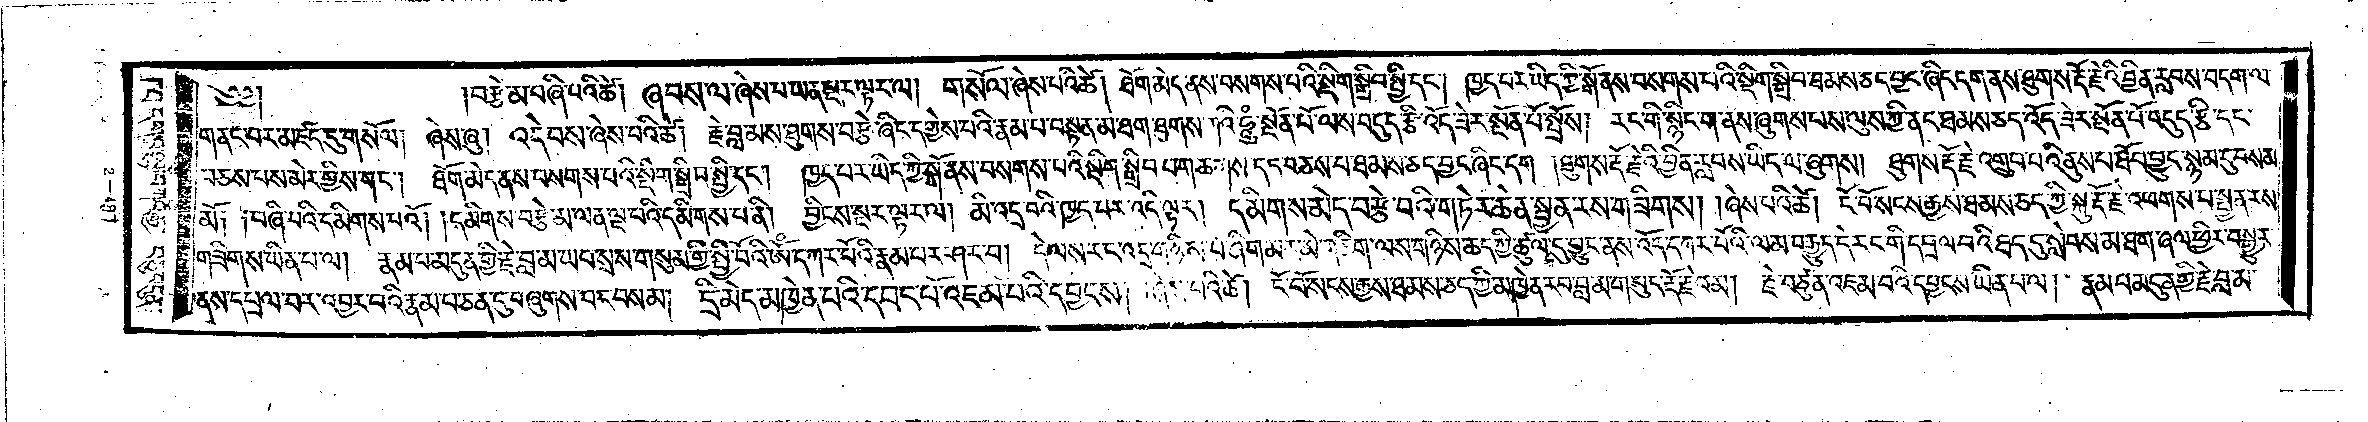༄༅། །བརྩེ་མ་བཞི་པའི་ཚེ། ཞབས་ལ་ཞེས་པ་ཡན་སྔར་ལྟར་ལ།  གསོལ་ཞེས་པའི་ཚེ། ཐོག་མེད་ནས་བསགས་པའི་སྡིག་སྒྲིབ་སྤྱི་དང་། ཁྱད་པར་ཡིད་ཀྱི་སྒོ་ནས་བསགས་པའི་སྡིག་སྒྲིབ་ཐམས་ཅད་བྱང་ཞིང་དག་ནས་ཐུགས་རྡོ་རྗེའི་བྱིན་རླབས་བདག་ལ་
གནང་བར་མཛད་དུ་གསོལ། ཞེས་ཞུ། འདེབས་ཞེས་པའི་ཚེ། རྗེ་བླ་མས་ཐུགས་བརྩེ་ཞིང་དགྱེས་པའི་རྣམ་པ་བསྟན་མ་ཐག་ཐུགས་ཀའི་ཧཱུཾ་སྔོན་པོ་ལས་བདུད་རྩི་འོད་ཟེར་སྔོན་པོ་སྤྲོས། རང་གི་སྙིང་ག་ནས་ཞུགས་པས་ལུས་ཀྱི་ནང་ཐམས་ཅད་འོད་ཟེར་སྔོན་པོ་བདུད་རྩི་དང་
བཅས་པས་མེར་གྱིས་གང་། ཐོག་མེད་ནས་བསགས་པའི་སྡིག་སྒྲིབ་སྤྱི་དང་། ཁྱད་པར་ཡིད་ཀྱི་སྒོ་ནས་བསགས་པའི་སྡིག་སྒྲིབ་བག་ཆགས་དང་བཅས་པ་ཐམས་ཅད་བྱང་ཞིང་དག །ཐུགས་རྡོ་རྗེའི་བྱིན་རླབས་ཡིད་ལ་ཞུགས། ཐུགས་རྡོ་རྗེ་འགྲུབ་བའི་ནུས་པ་ཐོབ་བྱུང་སྙམ་དུ་བསམ་
མོ༑ ༑བཞི་པའི་དམིགས་པའོ། །དམིགས་བརྩེ་མ་ལན་ལྔ་པའི་དམིགས་པ་ནི། བྱིངས་སྔར་ལྟར་ལ། མི་འདྲ་བའི་ཁྱད་པར་འདི་ལྟར། དམིགས་མེད་བརྩེ་བའི་གཏེར་ཆེན་སྤྱན་རས་གཟིགས། །ཞེས་པའི་ཚེ། ངོ་བོ་སངས་རྒྱས་ཐམས་ཅད་ཀྱི་སྐུ་རྡོ་རྗེ་འཕགས་པ་སྤྱན་རས་
གཟིགས་ཡིན་པ་ལ། རྣམ་པ་མདུན་གྱི་རྗེ་བླ་མ་ཡབ་སྲས་གསུམ་གྱི་སྤྱི་བོའི་ཨོཾ་དཀར་པོའི་རྣམ་པར་ཤར་བ། དེ་ལས་རང་འདྲ་གཉིས་པ་ཞིག་མར་མེ་གཅིག་ལས་གཉིས་ཚད་ཀྱི་ཚུལ་དུ་བྱུང་ནས་འོད་དཀར་པོའི་ལམ་བརྒྱུད་དེ་རང་གི་དབྲལ་བའི་ཐད་དུ་སླེབས་མ་ཐག་ཞལ་ཕྱིར་བསྒྱུར་
ནས་དཔྲལ་བར་འབྱར་བའི་རྣམ་པ་ཅན་དུ་བཞུགས་པར་བསམ། དྲི་མེད་མཁྱེན་པའི་དབང་པོ་འཇམ་དཔའི་དབྱངས། །ཞེས་པའི་སྟེ། ངོ་བོ་སངས་རྒྱས་ཐམས་ཅད་ཀྱི་མཁྱེན་རབ་བླ་མ་གསུང་རྡོ་རྗེའམ། རྗེ་བཙུན་འཇམ་བའི་དབྱངས་ཡིན་པ་ལ། རྣམ་པ་མདུན་གྱི་རྗེ་བླ་མ་